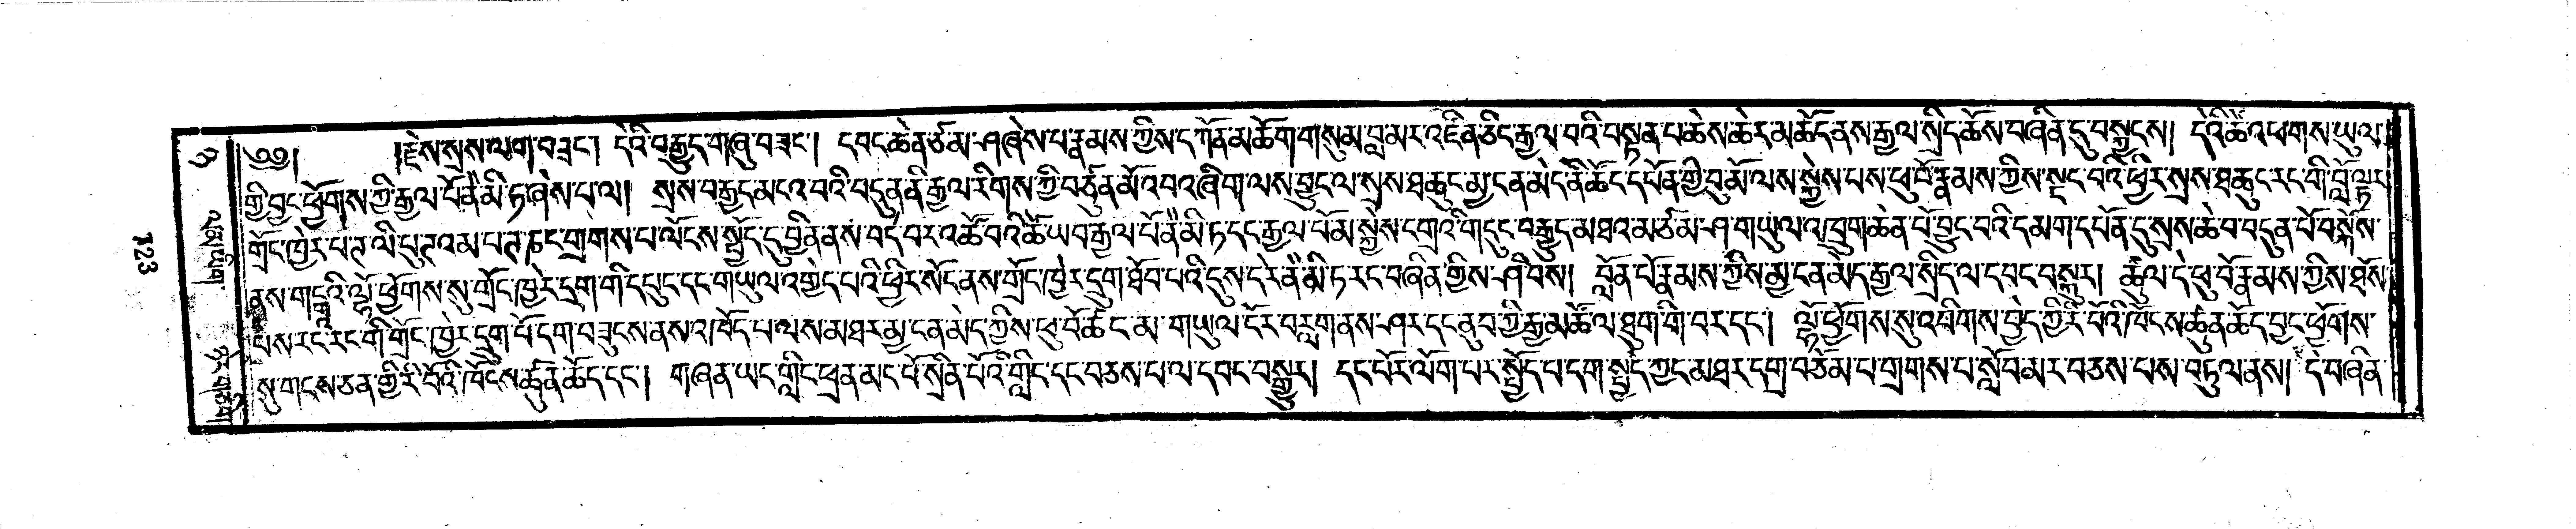༄༅། །རྗེས་སྲས་ལག་བཟང་། དེའི་བརྒྱུད་གཞུ་བཟང་། དབང་ཆེན་ཙ་མ་ཤ་ཞེས་པ་རྣམས་ཀྱིས་དཀོན་མཆོག་གསུམ་བླ་མར་འཛིན་ཅིང་རྒྱལ་བའི་བསྟན་པ་ཆེས་ཆེར་མཆོད་ནས་རྒྱལ་སྲིད་ཆོས་བཞིན་དུ་བསྐྱངས། དེའི་ཚེ་འཕགས་ཡུལ་
གྱི་བྱང་ཕྱོགས་ཀྱི་རྒྱལ་པོ་ནཻ་མི་ཏ་ཞེས་པ་ལ། སྲས་བརྒྱད་མངའ་བའི་བདུན་ནི་རྒྱལ་རིགས་ཀྱི་བཙུན་མོ་འབའ་ཞིག་ལས་བྱུང་ལ་སྲས་ཐ་ཆུང་མྱ་ངན་མེད་ནི་ཚོང་དཔོན་གྱི་བུ་མོ་ལས་སྐྱེས་པས་ཕུ་བོ་རྣམས་ཀྱིས་སྡང་བའི་ཕྱིར་སྲས་ཐ་ཆུང་རང་གི་བློ་ལྟར་
གྲོང་ཁྱེར་པ་ཊ་ལི་པུ་ཊའམ་པ་ཊ་ཎང་གྲགས་པ་ལོངས་སྤྱོད་དུ་བྱིན་ནས་བདེ་བར་འཚོ་བའི་ཚེ་ཡབ་རྒྱལ་པོ་ནཻ་མི་ཏ་དང་རྒྱལ་པོ་མ་སྐྱེས་དགྲའི་གདུང་བརྒྱུད་མཐའ་མ་ཙ་མ་ཤ་གཡུལ་འཁྲུག་ཆེན་པོ་བྱུང་བའི་དམག་དཔོན་དུ་སྲས་ཆེ་བ་བདུན་པོ་བསྐོས་
ནས་གངྒཱའི་ལྷོ་ཕྱོགས་སུ་གྲོང་ཁྱེར་དྲག་གི་དཔུང་དང་གཡུལ་འགྱེད་པའི་ཕྱིར་སོང་ནས་གྲོང་ཁྱེར་དྲུག་ཐོབ་པའི་དུས་དེར་ནཻ་མི་ཏ་རང་བཞིན་གྱིས་ཤི་བས། བློན་པོ་རྣམས་ཀྱིས་མྱ་ངན་མེད་རྒྱལ་སྲིད་ལ་དབང་བསྐུར། ཚུལ་དེ་ཕུ་བོ་རྣམས་ཀྱིས་ཐོས་
པས་རང་རང་གི་གྲོང་ཁྱེར་དྲུག་པོ་དག་བཟུངས་ནས་འཁོད་པ་ལས་མཐར་མྱ་ངན་མེད་ཀྱིས་ཕུ་བོ་ཚང་མ་གཡུལ་ངོར་བརླག་ནས་ཤར་དང་ནུབ་ཀྱི་རྒྱ་མཚོ་ལ་ཐུག་གི་བར་དང་། ལྷོ་ཕྱོགས་སུ་འབིགས་བྱེད་ཀྱི་རི་བོའི་ཁོངས་ཚུན་ཆོད་བྱང་ཕྱོགས་
སུ་གངས་ཅན་གྱི་རི་བོའི་ཁོངས་ཚུན་ཆོད་དང་། གཞན་ཡང་གླིང་ཕྲན་མང་པོ་སྲིན་པོའི་གླིང་དང་བཅས་པ་ལ་དབང་བསྒྱུར། དང་པོར་ལོག་པར་སྤྱོད་པ་དག་སྤྱད་ཀྱང་མཐར་དགྲ་བཅོམ་པ་གྲགས་པ་སློབ་མར་བཅས་པས་བཏུལ་ནས། དེ་བཞིན་